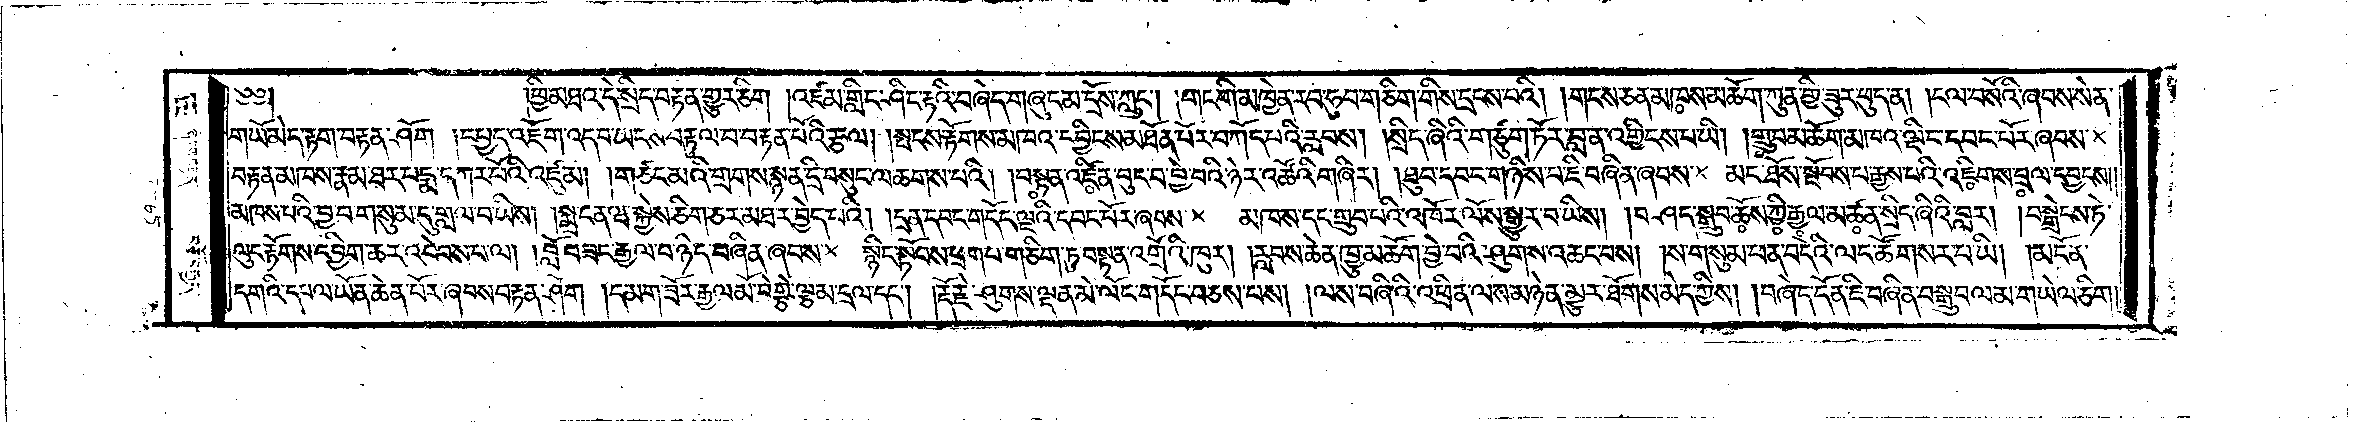༄༅། །ཕྱི་མཐའ་དེ་སྲིད་བརྟན་གྱུར་ཅིག །འཛམ་གླིང་ཤིང་རྟའི་བཞེད་གཞུང་མ་དྲོས་ཀླུང་། །གང་གི་མཁྱེན་རབ་ཧུབ་གཅིག་གིས་དྲངས་པའི། །གངས་ཅན་མཁས་མཆོག་ཀུན་གྱི་ཟུར་ཕུད་ན། །ངལ་བསོའི་ཞབས་སེན་
གཡོ་མེད་རྟག་བརྟན་ཤོག །དཔྱད་འཇོག་འདབ་ཡངས་བརྟུལ་བ་བརྟན་པོའི་རྩལ། །སྤངས་རྟོགས་མཁའ་དབྱིངས་མཐོན་པོར་བཀོད་པའི་རླབས། །སྲིད་ཞིའི་གཙུག་ཏོར་བླ་ན་འགྱིངས་པ་ཡི། །གྲུབ་མཆོག་མཁའ་ལྡིང་དབང་པོར་ཞབས་྾་
བརྟན་མཁས་རྣམ་ཐར་པདམ་དཀར་པོའི་འཛུམ། །གཙང་མའི་གྲགས་སྙན་དྲི་བསུང་ལ་ཆགས་པའི། །བསྟན་འཛིན་བུང་བ་བྱེ་བའི་ཉེར་འཚོའི་གཞིར། །ཐུབ་དབང་གཉིས་པ་ཇི་བཞིན་ཞབས་྾་མང་ཐོས་ཐོབས་པ་རྒྱས་པའི་འཇིགས་བྲལ་དབྱངས།།
མཁས་པའི་བྱ་བ་གསུམ་དུ་གླལ་བ་ཡིས། །སྨྲ་ངན་ཝ་སྐྱེས་ཅིག་ཅར་མཐར་བྱེད་པའི། །དྲན་དབང་གདོང་ལྔའི་དབང་པོར་ཞབས་྾་མཁས་དང་གྲུབ་པའི་འཁོར་ལོས་སྒྱུར་བ་ཡིས། །བཤད་སྒྲུབ་ཆོས་ཀྱི་རྒྱལ་མཚན་སྲིད་ཞིའི་བླར། །བསྒྲེངས་ཏེ་
ལུང་རྟོགས་དབྱིག་ཆར་འབེབས་པ་ལ། །བློ་བཟང་རྒྱལ་བ་ཉིད་བཞིན་ཞབས་྾་སྙིང་སྟོབས་ཕྲག་པ་གཅིག་ཏུ་བསྟན་འགྲོའི་ཁུར། །རླབས་ཆེན་ཁྱུ་མཆོག་བྱེ་བའི་ཤུགས་འཆང་བས། །ས་གསུམ་ཕན་བདེའི་དི་ལང་ཚོ་གསར་པ་ཡི། །མངོན་
དགའི་དཔལ་ཡོན་ཆེན་པོར་ཞབས་བརྟན་ཤོག །དམག་ཟོར་རྒྱལ་མོ་བེཀྕེ་ལྕམ་དྲལ་དང་། །རྡོ་རྗེ་ཤུགས་ལྡན་མེ་ལོང་གདོང་བཅས་པས། །ལས་བཞིའི་འཕྲིན་ལས་མཉེན་མྱུར་ཐོགས་མེད་ཀྱིས། །བཞེད་དོན་ཇི་བཞིན་བསྒྲུབ་ལ་མ་གཡེལ་ཅིག་